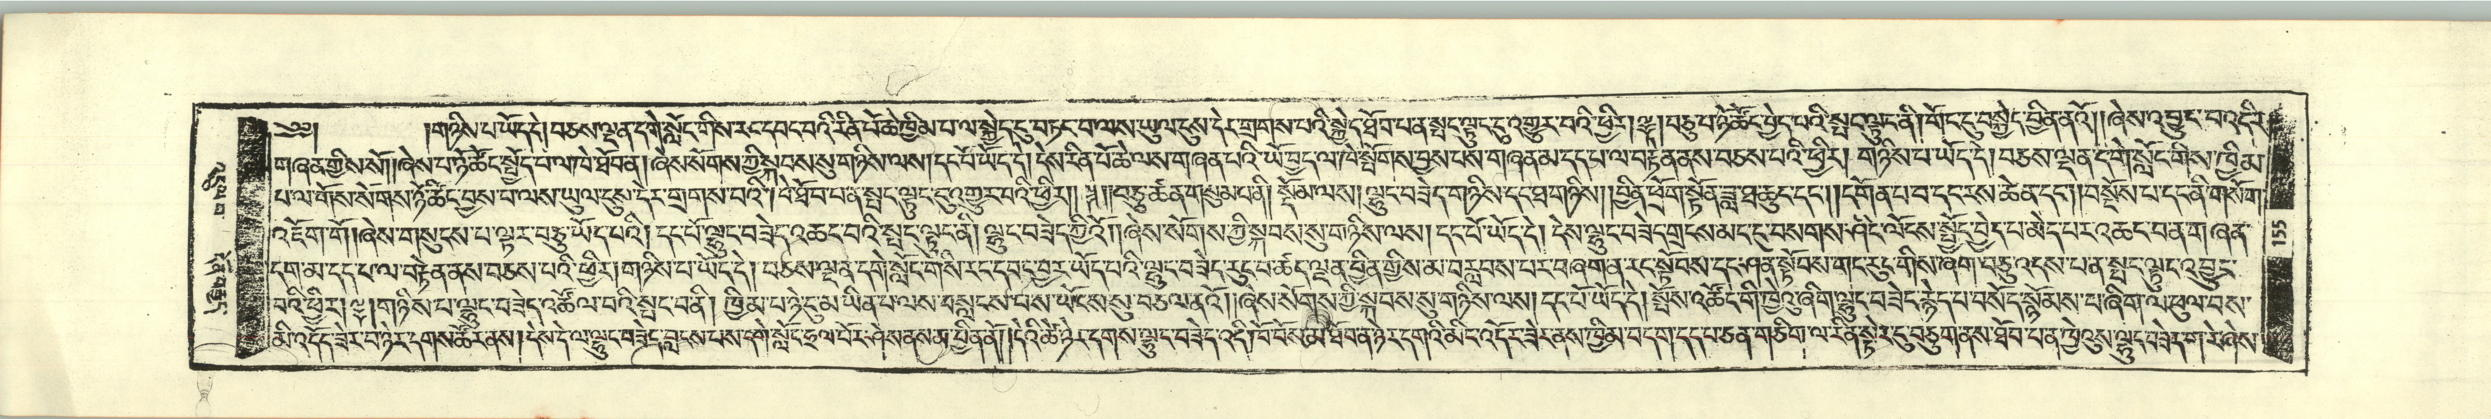༄༅། །གཉིས་པ་ཡོད་དེ། བཅས་ལྡན་དགེ་སློང་གིས་རང་དབང་བའི་རིན་པོ་ཆེ་ཁྱིམ་པ་ལ་སྐྱེད་དུ་བཏང་བ་ལས་ཡུལ་དུས་དེར་གྲགས་པའི་སྐྱེད་ཐོབ་པ་ན་སྤང་ལྟུང་དུ་འགྱུར་བའི་ཕྱིར། ༈ །བཅུ་པ་ཉོ་ཚོང་བྱེད་པའི་སྤང་ལྟུང་ནི། གོང་དུ་བསྐྱེད་བྱིན་ནའོ། །ཞེས་འབྱུང་བ་འདིར་
གཞན་གྱིས་སོ། །ཞེས་པ་ཉོ་ཚོང་སྤྱོད་པ་ལ་ཁེ་ཐོབ་ན། ཞེས་སོགས་ཀྱི་སྐབས་སུ་གཉིས་ལས། དང་པོ་ཡོད་དེ། དེས་རིན་པོ་ཆེ་ལས་གཞན་པའི་ཡོ་བྱད་ལ་ཁེ་སྤོགས་བྱས་པས་གཞན་མ་དད་པ་ལ་བརྟེན་ནས་བཅས་པའི་ཕྱིར། གཉིས་པ་ཡོད་དེ། བཅས་ལྡན་དགེ་སློང་གིས་ཁྱིམ་
པ་ལ་གོས་སོགས་ཉོ་ཚིང་བྱས་པ་ལས་ཡུལ་དུས་དེར་གྲགས་པའི། བེ་ཐོབ་པ་ན་སྤང་ལྟུང་དུ་འགྱུར་བའི་ཕྱིར།། ༈ །།བཅུ་ཚན་གསུམ་པ་ནི། སྡོམ་ལས། ལྷུང་བཟེད་གཉིས་དང་ཐ་གཉིས། །བྱིན་ཕྲོག་སྟོན་ཟླ་ཐ་ཆུང་དང་། །དགོན་པ་བ་དང་རས་ཆེན་དང་། །བསྔོས་པ་དང་ནི་གསོག་
འཇོག་གོ །ཞེས་གསུངས་པ་ལྟར་བཅུ་ཡོད་པའི། དང་པོ་ལྷུང་བཟེད་འཆད་བའི་སྤང་ལྟུང་ནི། ལྷུང་བཟེད་ཀྱིའོ། །ཞེས་སོགས་ཀྱི་སྐབས་སུ་གཉིས་ལས། དང་པོ་ཡོད་དེ། དེས་ལྷུང་བཟེད་གྲངས་མང་དུ་བསགས་ཤིང་ལོངས་སྤྱོད་བྱེད་པ་མེད་པར་འཆང་བ་ན་གཞན་
དག་མ་དད་པ་ལ་བརྟེན་ནས་བཅས་པའི་ཕྱིར། གཉིས་པ་ཡོད་དེ། བཅས་ལྡན་དགེ་སློང་གིས་རང་དབང་བྱར་ཡོད་པའི་ལྷུང་བཟེད་རུང་བ་ཚད་ལྡན་བྱིན་གྱིས་མ་བརླབས་པར་བཞག་ན་རང་སྟོབས་དང་ཤན་སྟོབས་གང་རུང་གིས་ཞག་བཅུ་འདས་པ་ན་སྤང་ལྟུང་འབྱུང་
བའི་ཕྱིར། ༈ །གཉིས་པ་ལྷུང་བཟེད་འཚོལ་བའི་སྤང་བ་ནི། ཁྱིམ་པ་ཉེ་དུ་མ་ཡིན་པ་ལས་བསླངས་པས་ཡོངས་སུ་བཅལ་ནའོ། །ཞེས་སོགས་ཀྱིས་སྐབས་སུ་གཉིས་ལས། དང་པོ་ཡོད་དེ། སྤོས་འཚོང་གི་ཁྱེའུ་ཞིག་ལྷུང་བཟེད་རྙེད་པ་བསོད་སྙོམས་པ་ཞིག་ལ་ཕུལ་བས་
མི་འདོད་ཟེར་བ་ཉེར་དགས་ཚོར་ནས། དེས་དེ་ལ་ལྷུང་བཟེད་བླངས་པས་དགེ་སློང་ཧྲལ་པོར་ཤེས་ནས་མ་བྱིན་ནོ། །དེའི་ཚེ་ཉེར་དགས་ལྷུང་བཟེད་འདི་ཁོ་བོས་མ་ཐོབ་ན་ཉེར་དགའི་མིང་འདོར་ཟེར་ནས་ཁྱིམ་བདག་དད་པ་ཅན་གཅིག་ལ་རིན་སྟེར་དུ་བཅུག་ནས་ཐོབ་པ་ན་ཁྱེའུས་ལྷུང་བཟེད་ག་རེ་ཞེས་